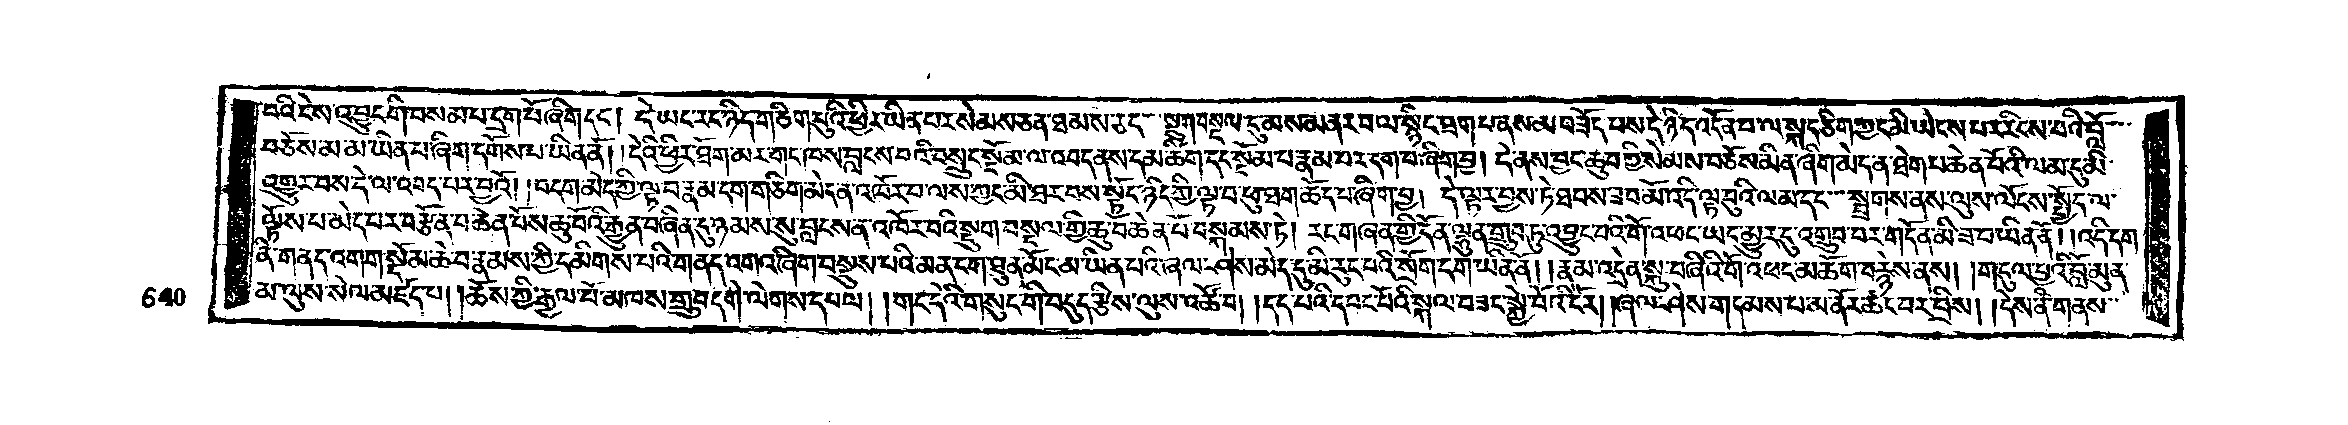བའི་ངེས་འབྱུང་གི་བསམ་པ་དྲག་པོ་ཞིག་དང་། དེ་ཡང་རང་ཉིད་གཅིག་པུའི་ཕྱིར་ཡིན་པར་སེམས་ཅན་ཐམས་ཅད་སྡུག་བསྔལ་དུ་མས་མནར་བ་ལ་སྙིང་ཐག་པ་ནས་མ་བཟོད་པས་དེ་ཉིད་འདོན་པ་ལ་སྐད་ཅིག་ཀྱང་མི་ཡེངས་པར་རིངས་པའི་བློ་
བཅོས་མ་མ་ཡིན་པ་ཞིག་དགོས་པ་ཡིན་ནོ། །དེའི་ཕྱིར་ཐོག་མར་གང་ཁས་བླངས་པའི་བསྲུང་སྡོམ་ལ་འབད་ནས་དམ་ཚིག་དང་སྡོམ་པ་རྣམ་པར་དག་པ་ཞིག་བྱ། དེ་ནས་བྱང་ཆུབ་ཀྱི་སེམས་བཅོས་མིན་ཞིག་མེད་ན་ཐེག་པ་ཆེན་པོའི་ལམ་དུ་མི་
འགྱུར་བས་དེ་ལ་འབད་པར་བྱའོ། །བདག་མེད་ཀྱི་ལྟ་བ་རྣམ་དག་གཅིག་མེད་ན་འཁོར་བ་ལས་ཀྱང་མི་ཐར་བས་སྟོང་ཉིད་ཀྱི་ལྟ་བ་ཕུ་ཐག་ཆོད་པ་ཞིག་བྱ། དེ་ལྟར་བྱས་ཏེ་ཐབས་ཟབ་མོ་འདི་ལྟ་བུའི་ལམ་དང་སྦྲགས་ནས་ལུས་ལོངས་སྤྱོད་ལ་
ལྟོས་པ་མེད་པར་བརྩོན་པ་ཆེན་པོས་ཆུ་བོའི་རྒྱུན་བཞིན་དུ་ཉམས་སུ་བླངས་ན་འཁོར་བའི་སྡུག་བསྔལ་གྱི་ཆུ་བོ་ཆེན་པོ་བསྐམས་ཏེ། རང་གཞན་གྱི་དོན་ལྷུན་གྲུབ་ཏུ་འབྱུང་བའི་གོ་འཕང་ཡང་མྱུར་དུ་འགྲུབ་པར་གདོན་མི་ཟ་བ་ཡིན་ནོ། །འདི་དག་
ནི་གནད་འགག་སྡོམ་ཆེ་བ་རྣམས་ཀྱི་དམིགས་པའི་གནད་འགའ་ཞིག་བསྡུས་པའི་མན་ངག་ཐུན་མོང་མ་ཡིན་པའི་ཞལ་ཤེས་མེད་དུ་མི་རུང་བའི་སྲོག་དག་ཡིན་ནོ། །རྣམ་འདྲེན་སྐུ་བཞིའི་གོ་འཕང་མཆོག་བརྙེས་ནས། །གདུལ་བྱའི་བློ་མུན་
མ་ལུས་སེལ་མཛོད་པ། །ཆོས་ཀྱི་རྒྱལ་པོ་མཁས་གྲུབ་དགེ་ལེགས་དཔལ། །གང་དེའི་གསུང་གི་བདུད་རྩིས་ལུས་འཚོ་བ། །དད་པའི་དབང་པོའི་སྐལ་བཟང་སྐྱེ་བོའི་ངོར། །ཞལ་ཤེས་གདམས་པ་མ་ནོར་ཚང་བར་བྲིས། །དེས་ནི་གནས་